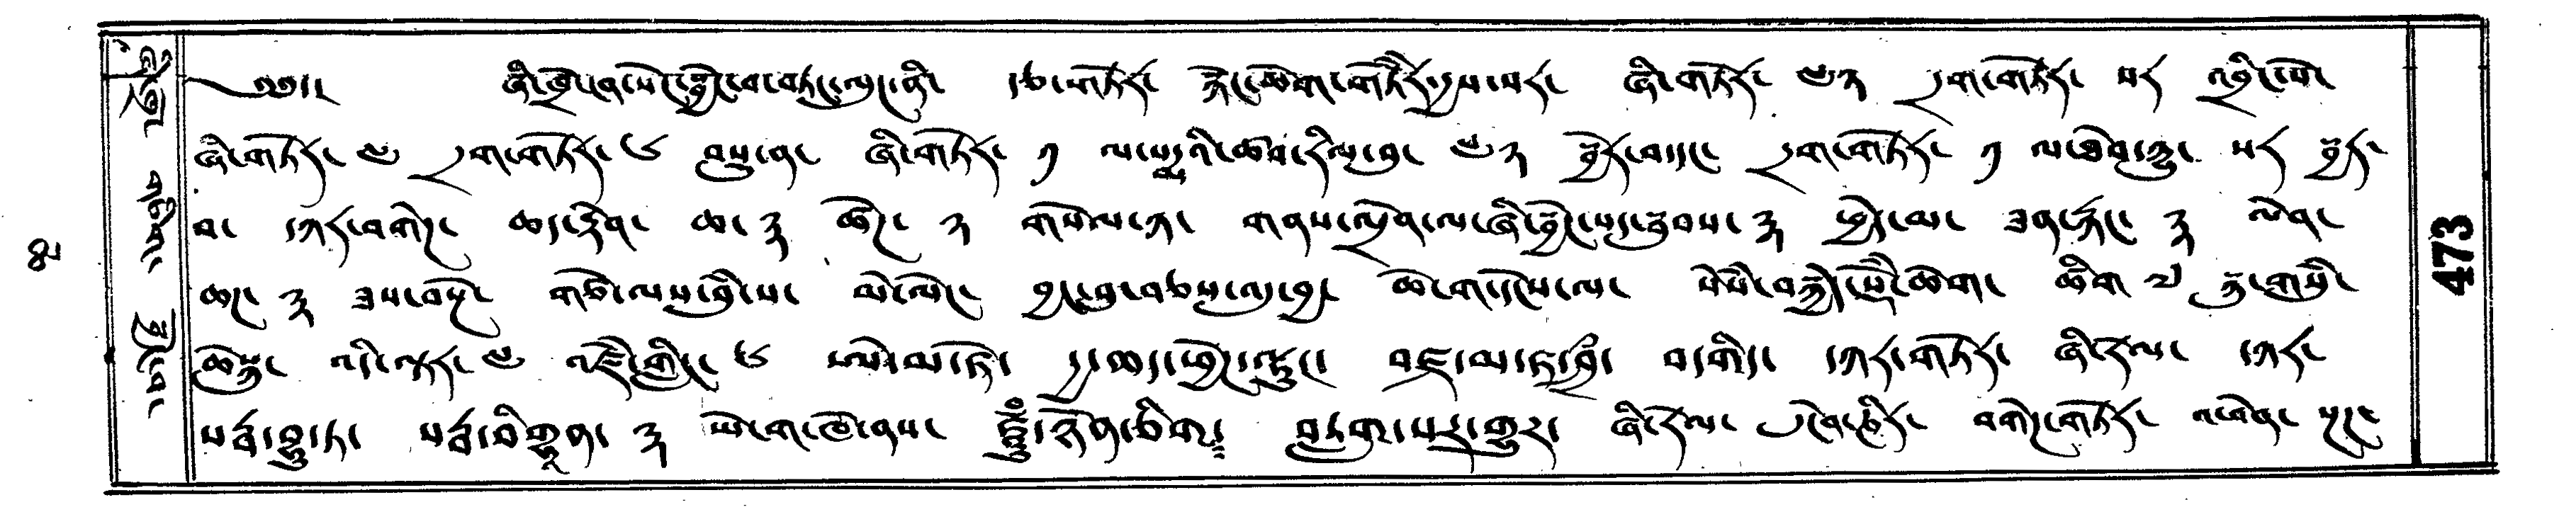༄༅། ཞི་ཁྲོ་ངན་སོང་སྦྱོང་བ་བཏང་ལུགས་ནི། རྩ་གཏོར། སྐོང་ཆོག་གཏོར་མ་རྒྱས་པར། ཞི་གཏོར་ཞེ་གཉིས། དྲག་གཏོར་ལྔ་བཅུ་ང་བརྒྱད། འབྲིང་པོ་
ཞི་གཏོར་བཞི། དྲག་གཏོར་དྲུག བསྡུ་ན། ཞི་གཏོར་གཅིག ལ་པདྨའི་ཚབ་རིལ་བུ་ཞེ་གཉིས་སྦྱར་བ་དང་། དྲག་གཏོར་ གཅིག་ ལ་མཐེབ་སྐྱུ་ ལྔ་བཅུ་ང་བརྒྱད་སྦྱར་
བ། དཀར་བགེགས། ཆད་བརྟན། ཆ་གསུམ། ཚོགས་གཉིས། གསོལ་ཀ གནས་འདྲེན་ལ་ཞི་སྦྱོང་པད་སྦུབས་གསུམ། ཕྱེད་མ་ཟན་ཀོང་གསུམ། ལན་
ཆགས་གསུམ། ཟས་བསྔོ། གཙོ་ལས་བུམ་པ། མེ་ལོང་། བྱང་བུ་བཅས་འདུ་བྱ། ཆོ་ག་དངོས་ལ། སེམས་བསྐྱེད་སྡོམ་ཆོག ཚིག་བདུན། སྐུ་གསུམ། 
ཆོས་སྐུ༴ འདི་ལྟར༴ སོགས་ཤྭོ་ལོ་ཀ་བཞི། འཛམ་གླིང༴ སོགས་ཤྭོ་ལོ་ཀ་དྲུག ཨེ་མ་ཧོ༔ རྒྱ་ཆད་ཕྱོགས་ལྷུང༴ བཛྲ་མ་ཧ་ཤྲཱི༴ བདག་ཉིད༴ དཀར་གཏོར། ཞི་རོལ། དཀར། 
སརྦ་བྷུ་ཏ༴ སརྦ་བིགྣན༴ གསུམ། ཡོ་ག་ཁོ་ནས། ཧཱུྃ། ཉོན་ཅིག༴ བརླག་པར་གྱུར། ཞི་རོལ། དུང་ཆེན་ཎིར། བགེགས་གཏོར་འཕེན། སྔགས་